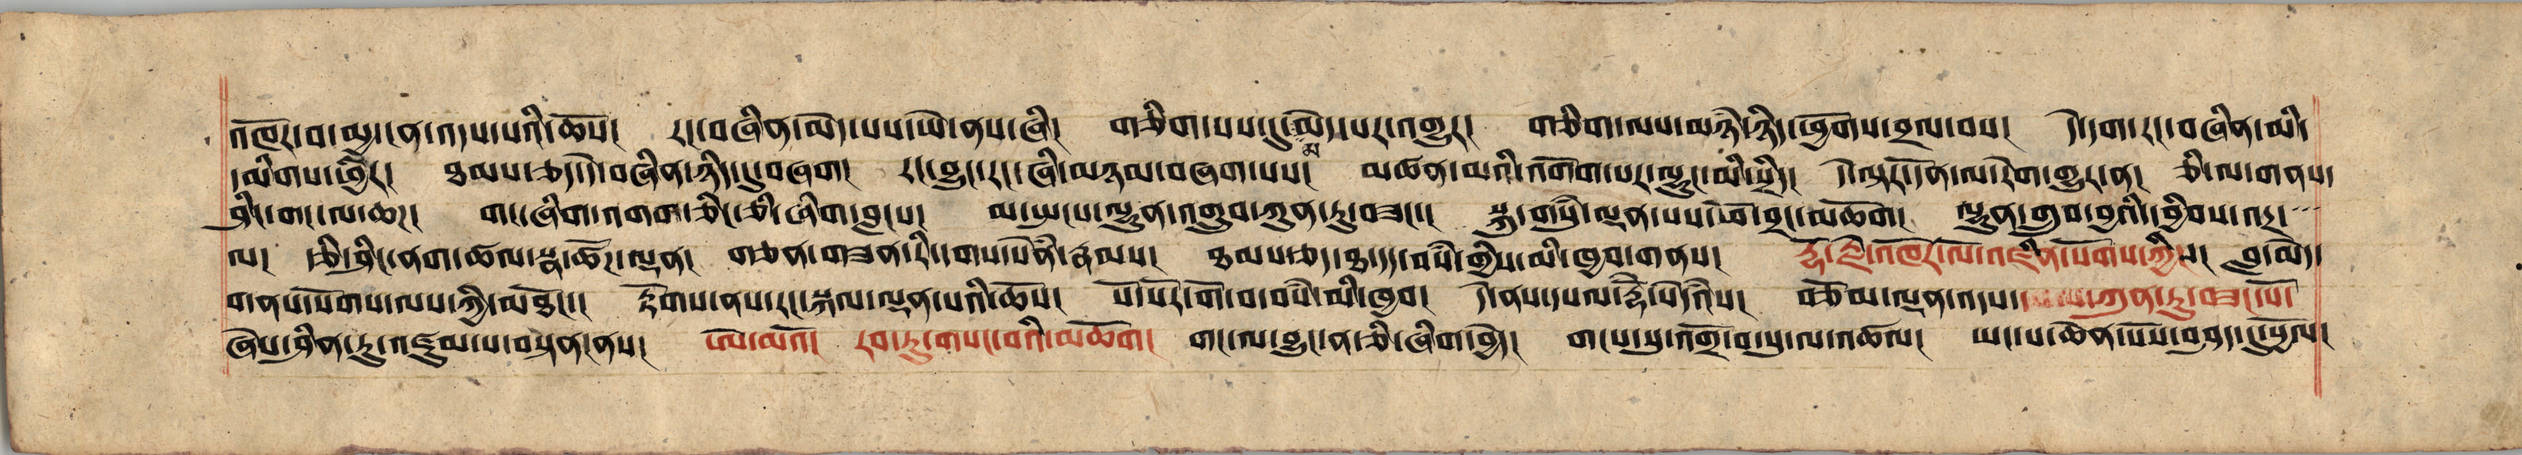འཁོར་བ་མྱ་ངན་འདས་པའི་ཆོས། རང་བཞིན་མེད་པས་ཡེ་ནས་ཞི། གཅིག་པས་དུ་མ་མེད་པར་འགྱུར། གཅིག་ལས་མཉཾ་ཉིད་ཕྱོགས་བྲལ་བས། དེ་དག་རང་བཞིན་མི་
དམིགས་ཕྱིར། ཐམས་ཅད་དེ་བཞིན་ཉིད་དུ་བཞག། རང་བྱུང་རང་ཞི་མཉམ་བཞག་པས། མཚན་མའི་འགོག་པར་ལྷུང་མི་སྲིད། དེ་ལྟར་དོན་ལ་རེག་གྱུར་ན། ཅི་ལ་གནས་
ཤིང་གང་ལ་ཆཌ། གང་ཞིག་འགག་ཅིང་ཅི་ཞིག་བླངས། མ་སྤངས་ལྷུན་འགྲུབ་ཀུན་ཏུ་བཟང་། སྐུ་གསུཾ་ལྡན་པས་ཕོ་བྲང་མཆོག། ལྷུན་གྲུབ་བྱའི་དབྱིབས་འདྲ་
ལ། རྩི་ཤིང་ནག་ཚལ་སྣ་ཚོཌ་ལྡན། གཅན་གཟན་རི་དགས་སེནཾ་རྣམས། ཐམས་ཅད་ཐ་དད་བསཾ་གྱིས་མི་ཁྱབ་གནས། རྡོ་རྗེ་འཁོར་ལོ་འཛིན་སོགས་ཀྱིས། བླ་མེད་
གནས་སོགས་ལས་ཀྱི་མཐོང་། རྟོགས་ནས་རང་སྐལ་ལྡན་པའི་ཆོས། སོ་སོར་གོ་བ་བསཾ་མི་ཁྱབ། དེ་ནས་དཔལ་རྡོེ་སེདཾའས། བཅོམ་ལྡན་འདས་དཔལ་ཀུན་ཏུ་བཟང་པོ་
ཞེས་ཤིན་ཏུ་འཛུམ་པ་བསྟན།ནས། ཨེ་མའོ་ རབ་ཏུ་གསང་བའི་མཆོག་ གང་ལ་བྱུང་ན་ཅི་ཞིག་བྱཻད། གངས་སུ་འགྲོ་བ་སུ་ལ་འཚལ། ཡང་པ་ཆེན་པོས་བཤད་དུ་སྱོལ།